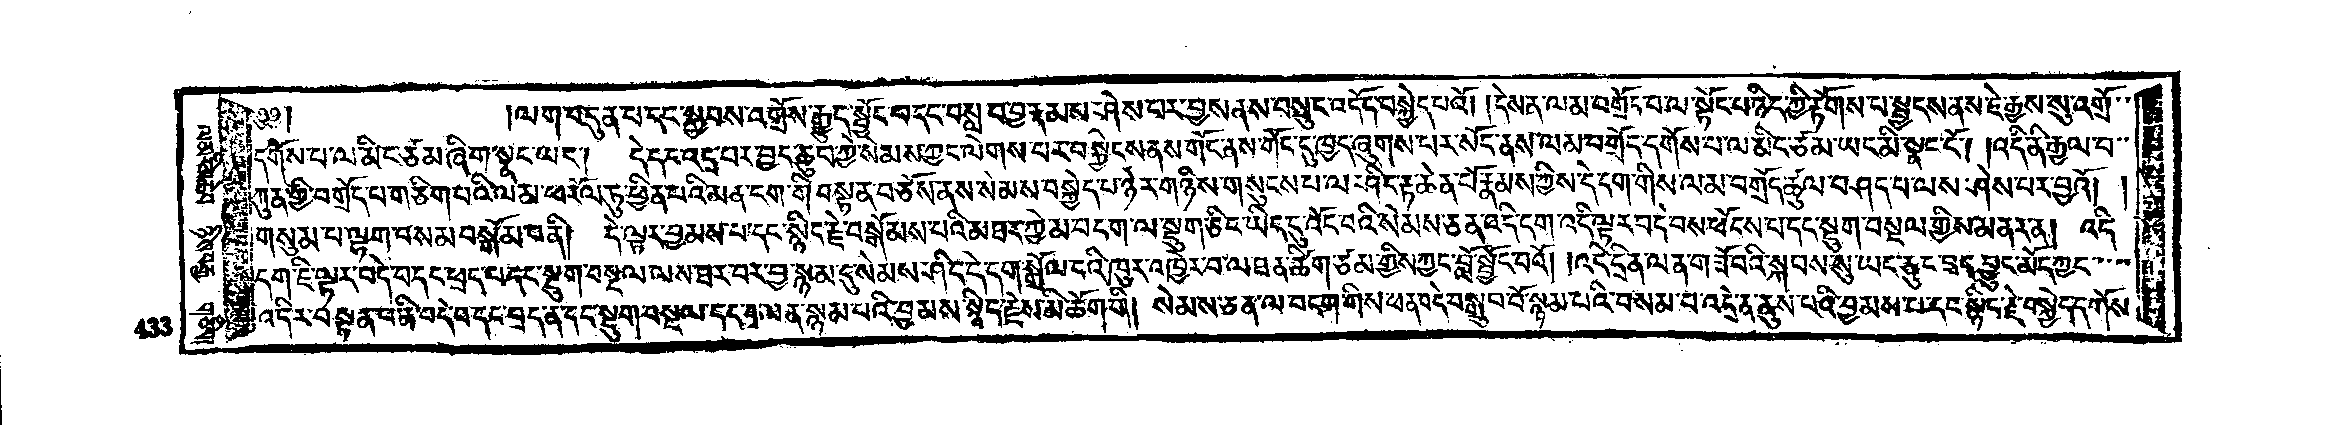༄༅། །ལག་བདུན་པ་དང་སྐྱབས་འགྲོས་རྒྱུད་སྦྱོང་བ་དང་བསླབ་བྱ་རྣམས་ཤེས་པར་བྱས་ནས་བསྲུང་འདོད་བསྐྱེད་པའོ། །དེས་ན་ལམ་བགྲོད་པ་ལ་སྟོང་བ་ཉིད་ཀྱི་རྟོགས་པ་སྦྱངས་ནས་ཇེ་རྒྱས་སུ་འགྲོ་
དགོས་པ་ལ་མིང་ཙམ་ཞིག་སྣང་ཡང་། དེ་དང་འདྲ་བར་བྱང་ཆུབ་ཀྱི་སེམས་ཀྱང་ལེགས་པར་བསྐྱངས་ནས་གོང་ནས་གོང་དུ་ཁྱད་ཞུགས་པར་སོང་ནས་ལམ་བགྲོད་དགོས་པ་ལ་མིང་ཙམ་ཡང་མི་སྣང་ངོ། །འདི་ནི་རྒྱལ་བ་
ཀུན་གྱི་བགྲོད་པ་གཅིག་པའི་ལམ་ཕ་རོལ་ཏུ་ཕྱིན་པའི་མན་ངག་གི་བསྟན་བཅོས་ནས་སེམས་བསྐྱེད་པ་ཉེར་གཉིས་གསུངས་པ་ལ་ཤིང་རྟ་ཆེན་པོ་རྣམས་ཀྱིས་དེ་དག་གིས་ལམ་བགྲོད་ཚུལ་བཤད་པ་ལས་ཤེས་པར་བྱའོ། །
གསུམ་པ་ལྷག་བསམ་བསྒོམ་པ་ནི། དེ་ལྟར་བྱམས་པ་དང་སྙིང་རྗེ་བསྒོམས་པའི་མཐར་ཀྱེ་མ་བདག་ལ་སྡུག་ཅིང་ཡིད་དུ་འོང་བའི་སེམས་ཅན་འདི་དག་འདི་ལྟར་བདེ་བས་ཕོངས་པ་དང་སྡུག་བསྔལ་གྱིས་མནར་ན། འདི་
དག་ཇི་ལྟར་བདེ་བ་དང་ཕྲད་པ་དང་སྡུག་བསྔལ་ལས་ཐར་བར་བྱ་སྙམ་དུ་སེམས་ཤིང་དེ་དག་སྒྲོལ་བའི་ཁུར་འཁྱེར་བ་ལ་ཐ་ན་ཚིག་ཙམ་གྱིས་ཀྱང་བློ་སྦྱོང་བའོ། །འདི་དྲིན་ལན་གཟོ་བའི་སྐབས་སུ་ཡང་ཅུང་ཟད་བྱུང་མོད་ཀྱང་
འདིར་བསྟན་པ་ནི་བདེ་བ་དང་ཕྲད་ན་དང་སྡུག་བསྔལ་དང་བྲལ་ན་སྙམ་པའི་བྱམས་སྙིང་རྗེས་མི་ཆོག་གི། སེམས་ཅན་ལ་བདག་གིས་ཕན་བདེ་བསྒྲུབ་བོ་སྙམ་པའི་བསམ་པ་འདྲེན་ནུས་པའི་བྱམས་པ་དང་སྙིང་རྗེ་བསྐྱེད་དགོས་